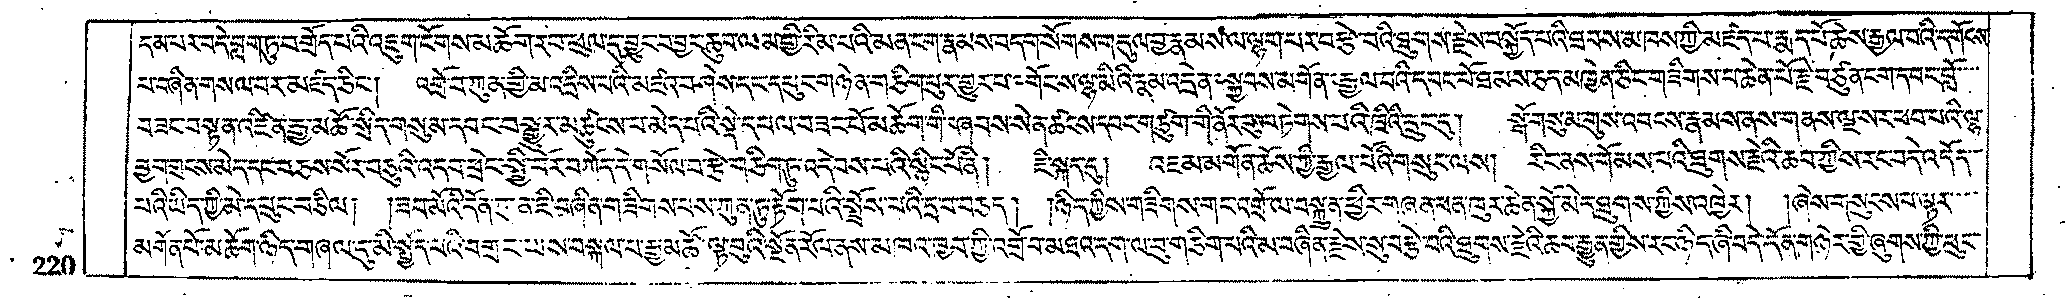དམ་པར་བདེ་བླག་ཏུ་བགྲོད་པའི་འཇུག་ངོགས་མཆོག་རབ་ཕུལ་དུ་བྱུང་བ་བྱང་ཆུབ་ལམ་གྱི་རིམ་པའི་མན་ངག་རྣམས་བདག་སོགས་གདུལ་བྱ་རྣམས་ལ་ལྷག་པར་བརྩེ་བའི་ཐུགས་རྗེས་བསྐྱོད་པའི་ཐབས་མཁས་ཀྱི་མཛད་པ་རྨད་པོ་ཆེས་རྒྱལ་བའི་དགོངས་
པ་བཞིན་གསལ་བར་མཛད་ཅིང་། འགྲོ་བ་ཀུན་གྱི་མ་འདྲིས་པའི་མཛའ་བཤེས་དང་དཔུང་གཉེན་གཅིག་པུར་གྱུར་པ ༧གོང་ས་ལྷ་མིའི་རྣམ་འདྲེན ༧སྐྱབས་མགོན ༧རྒྱལ་བའི་དབང་པོ་ཐམས་ཅད་མཁྱེན་ཅིང་གཟིགས་པ་ཆེན་པོ་རྗེ་བཙུང་ངག་དབང་བློ་
བཟང་བསྟན་འཛིན་རྒྱ་མཚོ་སྲིད་གསུམ་དབང་བསྒྱུར་མཚུངས་པ་མེད་པའི་སྡེ་དཔལ་བཟང་པོ་མཆོག་གི་ཞབས་སེམས་སྦགས་དབང་གཙུག་གི་ནོར་བུས་བཏེགས་པའི་ཁྲིའི་དྲུང་དུ། སྒོ་གསུམ་གུས་འབངས་རྣམས་ནས་གནས་ལྔ་སར་ཕབ་པའི་ལྷ་
ཕྱག་གྲངས་མེད་དང་བཅས་སོར་བཅུའི་འདབ་ཕྲེང་སྤྱི་བོར་བཀོད་དེ་གསོལ་བ་རྩེ་གཅིག་ཏུ་འདེབས་པའི་སྙིང་པོ་ནི། ཇི་སྐད་དུ། འཇམ་མགོན་ཆོས་ཀྱི་རྒྱལ་པོའི་གསུང་ལས། རིང་ནས་གོམས་པའི་ཐུགས་རྗེའི་ཆབ་ཀྱིས་རང་བདེ་འདོད་་་
པའི་ཡིད་ཀྱི་མེ་དཔུང་བཅིལ། །ཟབ་མོའི་དོན་ཀུན་ཇི་བཞིན་གཟིགས་པས་ཀུན་ཏུ་རྟོག་པའི་སྤྲོས་པའི་དྲ་བ་བཅད། །ཉིད་ཀྱིས་གཟིགས་གང་འགྲོ་ལ་བསྐྲུན་ཕྱིར་གཞན་ཕན་ཁུར་ཆེན་སྐྱོ་མེད་ཐུགས་ཀྱིས་འཁྱེར། །ཞེས་གསུངས་པ་ལྟར་་་
མགོན་པོ་མཆོག་ཉིད་གཞལ་དུ་མི་སྤྱོད་པའི་བགྲང་ཡས་བསྐལ་པ་རྒྱ་མཚོ་ལྟ་བུའི་སྔོན་རོལ་ནས་མཁའ་ཁྱབ་ཀྱི་འགྲོ་བ་མཐའ་དག་ལ་བུ་གཅིག་པའི་མ་བཞིན་རྗེས་སུ་བརྩེ་བའི་ཐུགས་རྗེའི་ཆབ་རྒྱུན་གྱིས་རང་ཉིད་ཞི་བདེ་དོན་གཉེར་གྱི་ཞུགས་ཀྱི་ཕུང་་་